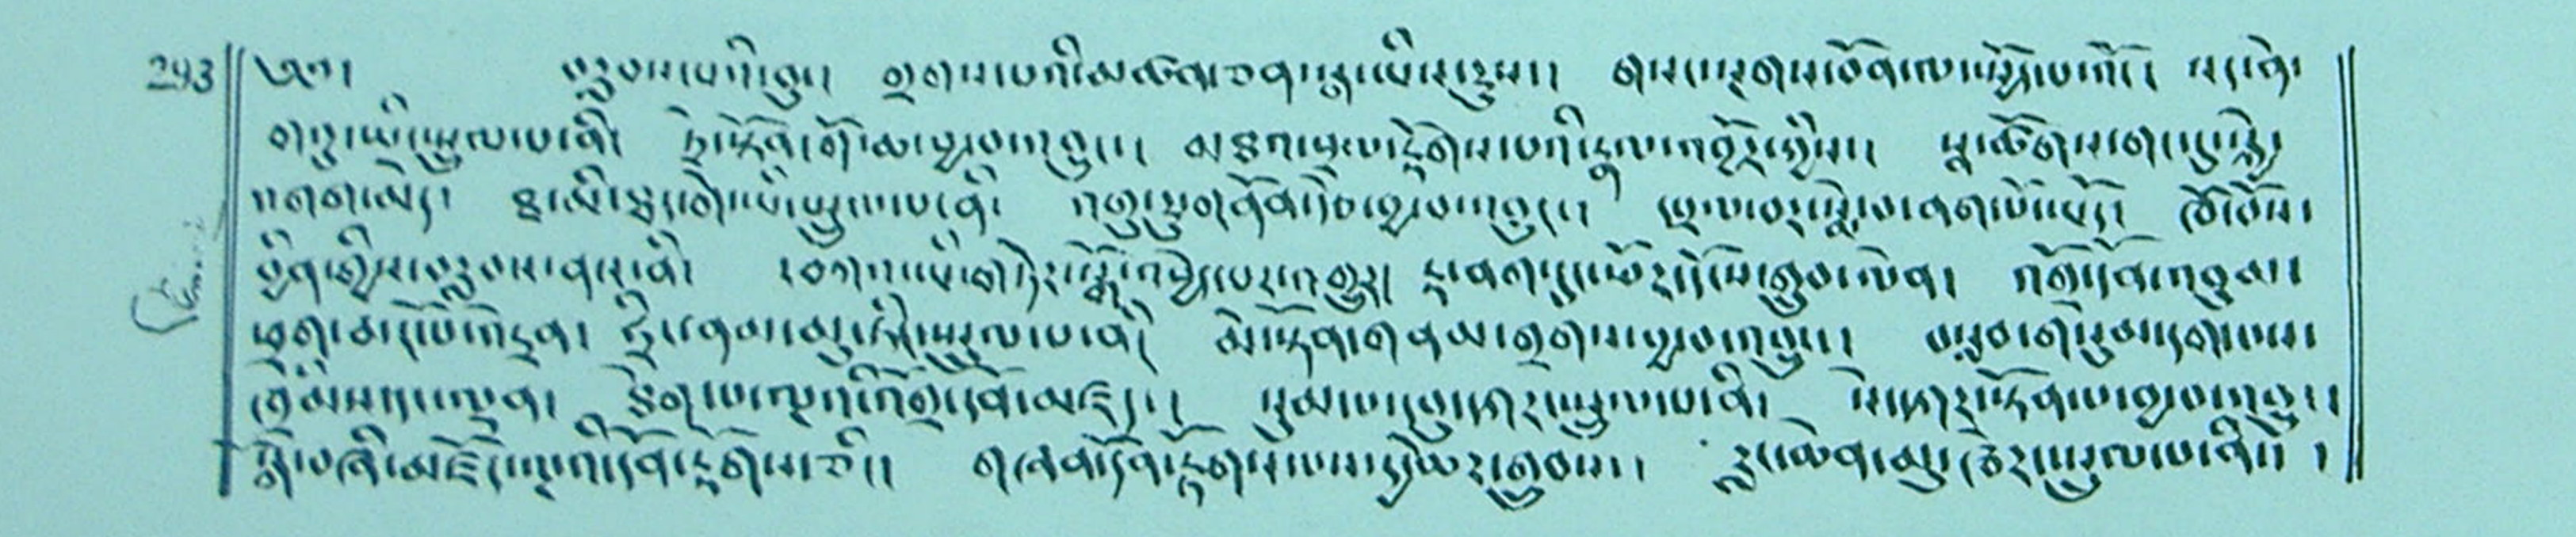༄༅། །རླབས་པའི་བུ། གྲགས་པའི་མཚན་ཅན་སྒ་ཡི་རུས། གསང་སྔགས་བོན་ལ་སྤྱོད་པ་འོང་། སད་ནེ་
གའུའི་སྤྲུལ་པ་ནི། ཏྲེ་སྟོན་གོ་ཆ་བྱ་བ་འབྱུང་། མཐའ་བྲལ་རྟོགས་པའི་རྣལ་འབྱོར་གྱིས། སྣ་ཚོགས་གང་དུ་སྐྱེ་
འགག་མེད། ཐད་མི་ཐད་ཀའི་སྤྲུལ་པ་ནི། འགུ་རུ་རྣོན་རྩེ་བྱ་བ་འབྱུང་། དཔྲལ་བར་སྨེ་བ་ནག་པོ་ཡོད། ཁོ་བོས་
བྱིན་གྱིས་རླབས་ནས་ནི། བཀའ་ཡི་གཏེར་སྒོ་འབྱེད་པར་འགྱུར། རྟ་ནག་དུང་ཕོར་དངོས་གྲུབ་ལེན། འགྲོ་དོན་འབུམ་
ཕྲག་མང་པོ་འདྲེན། ཧྲིང་ནམ་མུ་ཏིང་སྤྲུལ་པ་ནི། མེ་སྟོན་གནམ་གྲགས་བྱ་བ་འབྱུང་། བསླབ་གསུམ་དག་པས་
ཁྲིམས་དང་ལྡན། ཐེག་པ་ལྔ་ཡི་འགྲོ་དོན་མཛད། སུམ་པ་དབུ་དཀར་སྤྲུལ་པ་ནི། སེ་དཀར་སྟོན་པ་བྱ་བ་འབྱུང་། 
སྒོ་བཞི་མཛོད་ལྔའི་དོན་རྟོགས་ཅིང་། གཞན་དོན་རྟོགས་པས་རྒྱ་ཆེར་གྲུབ། རླང་ཆེན་མུ་ཝེར་སྤྲུལ་པ་ནི།